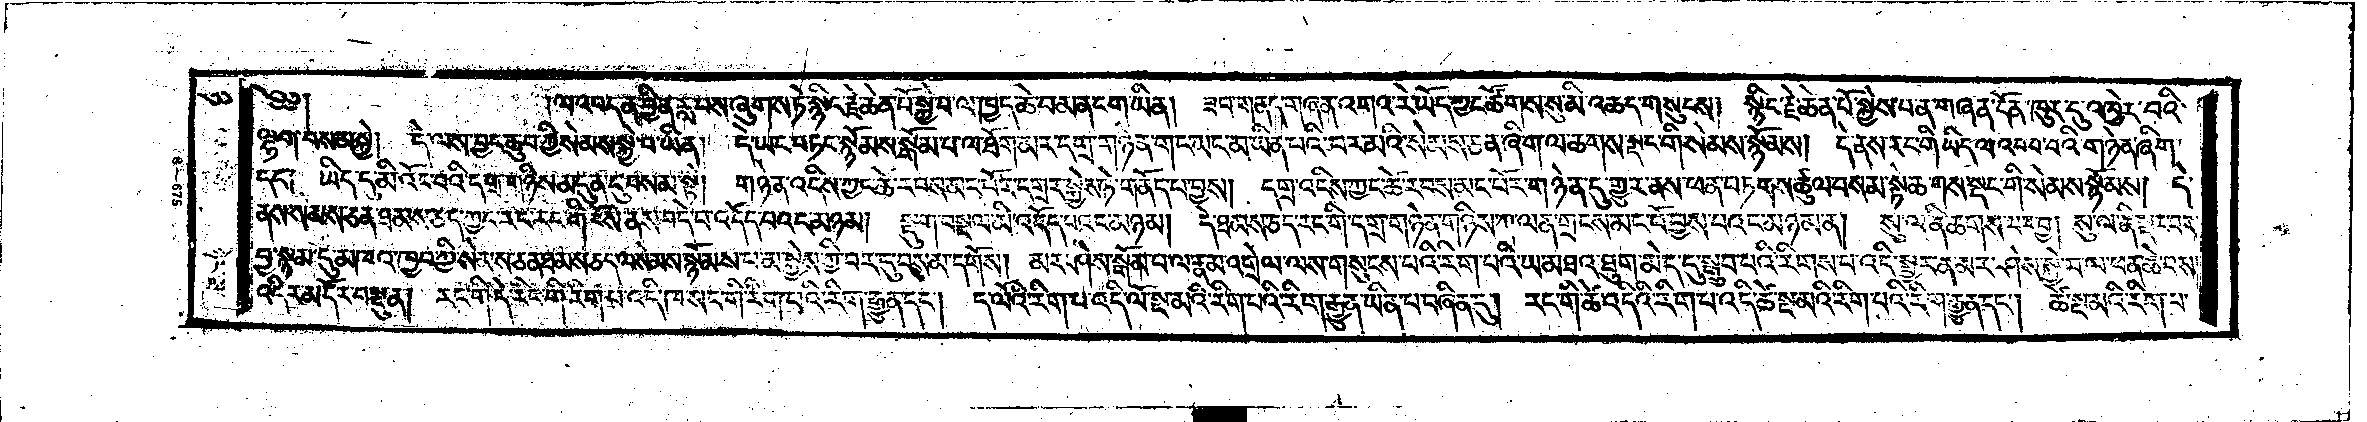༄༅། །ལ་འབད་ན་བྱིན་རླབས་ཞུགས་ཏེ་སྙིང་རྗེ་ཆེན་པོ་སྐྱེ་བ་ལ་ཁྱད་ཆེ་བ་མན་ངག་ཡིན། ཟབ་གནད་གཞན་འགའ་རེ་ཡོད་ཀྱང་ཚོགས་སུ་མི་འཆད་གསུངས། སྙིང་རྗེ་ཆེན་པོ་སྐྱེས་པ་ན་གཞན་དོན་ཁུར་དུ་འཁྱེར་བའི་
ལྷག་བསམ་སྐྱེ། དེ་ལས་བྱང་ཆུབ་ཀྱི་སེམས་སྐྱེ་བ་ཡིན། དེ་ཡང་བཏང་སྙོམས་སྒོམ་པ་ལ་ཐོག་མར་དགྲ་གཉེན་གང་ཡང་མ་ཡིན་པའི་བར་མའི་སེམས་ཅན་ཞིག་ལ་ཆགས་སྡང་གི་སེམས་སྙོམས། དེ་ནས་རང་གི་ཡིད་ལ་འབབ་པའི་གཉེན་ཞིག་
དང༑ ཡིད་དུ་མི་འོང་བའི་དགྲ་གཉིས་མདུན་དུ་བསམ་སྟེ། གཉེན་འདིས་ཀྱང་ཚེ་རབས་མང་པོར་དགྲར་སྐྱེས་ཏེ་གནོད་པ་བྱས། དགྲ་འདིས་ཀྱང་ཚེ་རབས་མང་པོར་གཉེན་དུ་གྱུར་ནས་ཕན་བཏགས་ཚུལ་བསམ་སྟེ་ཆགས་སྡང་གི་སེམས་སྙོམས། དེ་
ནས་སེམས་ཅན་ཐམས་ཅད་ཀྱང་རང་རང་གི་ངོས་ནས་བདེ་བ་འདོད་པའང་མཉམ། སྡུག་བསྔལ་མི་འདོད་པའང་མཉམ། དེ་ཐབས་ཅད་རང་གི་དགྲ་གཉེན་གཉིས་ཀ་ལན་གྲངས་མང་པོ་བྱས་པའང་མཉམ་ན། སུ་ལ་ནི་ཆགས་པར་བྱ། སུ་ལ་ནི་སྡང་བར་
བྱ་སྙམ་དུ་མཁའ་ཁྱབ་ཀྱི་སེམས་ཅན་ཐམས་ཅད་ལ་སེམས་སྙོམས་པ་མ་སྐྱེས་ཀྱི་བར་དུ་བསམ་དགོས། མར་ཤེས་སྒོམ་པ་ལ་རྣམ་འགྲེལ་ལས་གསུངས་པའི་རིག་པའི་ཡ་མཐའ་ཐུག་མེད་དུ་སྒྲུབ་པའི་རིགས་པ་འདི་སྦྱར་ན་མར་ཤེས་སྐྱེ་བ་ལ་ཕན་ཆེ་བས་
འདིར་མདོར་བསྡུ་ན། རང་གི་དེ་རིང་གི་རིག་པ་འདི་ཁ་སང་གི་རིག་པའི་རིག་རྒྱུན་དང་། ད་ལོའི་རིག་པ་འདི་ལོ་སྔ་མའི་རིག་པའི་རིག་རྒྱུན་ཡིན་པ་བཞིན་དུ། རང་གི་ཚེ་འདིའི་རིག་པ་འདི་ཚེ་སྔ་མའི་རིག་པའི་རིག་རྒྱུན་དང་། ཚེ་སྔ་མའི་རིག་པ་